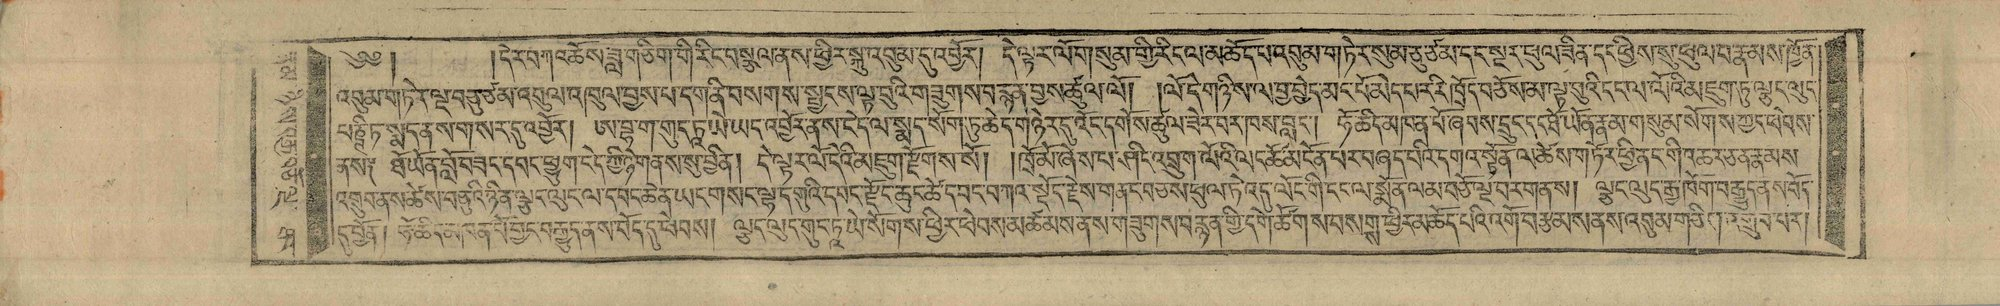༄༅། །དེར་བཀའ་ཆོས་ཟླ་གཅིག་གི་རིང་བསྩལ་ནས་ཕྱིར་སྐུ་འབུམ་དུ་འབྱོར། དེ་ལྟར་ལོ་གསུམ་གྱི་རིང་ལ་མཆོད་པ་འབུམ་གཏེར་སུམ་ཅུ་ཙམ་དང་སྔར་ཕུལ་ཟིན་དང་ཕྱིས་སུ་ཕུལ་བ་རྣམས་ཁྱོན་
འབུམ་གཏེར་ལྔ་བཅུ་ཙམ་འབུལ་འཁུལ་བྱས་པ་དག་ནི་བསགས་སྦྱངས་ལྟ་བུའི་གཟུགས་བརྙན་བྱས་ཚུལ་ལོ། །ལོ་དེ་གཉིས་ལ་བྱ་བྱེད་མང་པོ་མེད་པར་རི་ཁྲོད་བཅོས་མ་ལྟ་བུའི་ངང་ལ་ལོའི་མཇུག་ཏུ་ལྕང་ལུང་
པཎྚི་ཏ་སྨད་ནས་གསར་དུ་འབྱོར། ཨ་བྷ་ག་གུང་ཏཱ་ཡེ་ཡང་འབྱོར་ནས་ངེད་ལ་སྨད་སོག་ཏུ་ཆེད་གཉེར་དུ་འོང་དགོས་ཚུལ་ཟེར་བར་ཁས་བླང་། ཧོ་ཆིད་མཁན་པོ་ཞབས་དྲུང་དང་ཐོ་ཡོན་རྣམ་གསུམ་སོགས་ཀྱང་ཕེབས་
ནས༑ ཐོ་ཡོན་བློ་བཟང་དབང་ཕྱུག་ངེད་ཀྱི་ཉེ་གནས་སུ་བྱིན། དེ་ལྟར་ལོ་དེའི་མཇུག་རྫོགས་སོ། །ཁྲོ་མོ་ཞེས་པ་ཤིང་འབྲུག་ལོའི་ལང་ཚོ་མངོན་པར་བཞད་པའི་དགའ་སྟོན་ལ་ཚེས་གཏོར་ཕྱི་ནང་གི་འཆར་ཅན་རྣམས་
འགྲུབ་ནས་ཚེས་བཅུའི་ཉིན་ལྕང་ལུང་ལ་དབང་ཆེན་ཡང་གསང་ལྷ་དགུའི་དབང་རྫོང་ཆུང་ཚེ་དབང་བཀའ་སྡོད་རྗེས་གནང་བཅས་ཕུལ་ཏེ་འདུ་ལོང་གི་ངང་ལ་སྨོན་ལམ་བཅོ་ལྔ་བར་གནས། ལྕང་ལུང་རྒྱ་ཁོག་བརྒྱུད་ནས་བོད་
དུ་བྱོན། ཧོ་ཆིད་མཁན་པོ་བྱང་བརྒྱུད་ནས་བོད་དུ་ཕེབས། ལྕང་ལུང་གུང་ཏཱ་ཡེ་སོགས་ཕྱིར་ཕེབས་མཚམས་ནས་གཟུགས་བརྙན་གྱི་དགེ་ཚོགས་བསགས་ཕྱིར་མཆོད་པའི་འགོ་བརྩམས་ནས་འབུམ་གཅིག་འགྲུབ་པར།